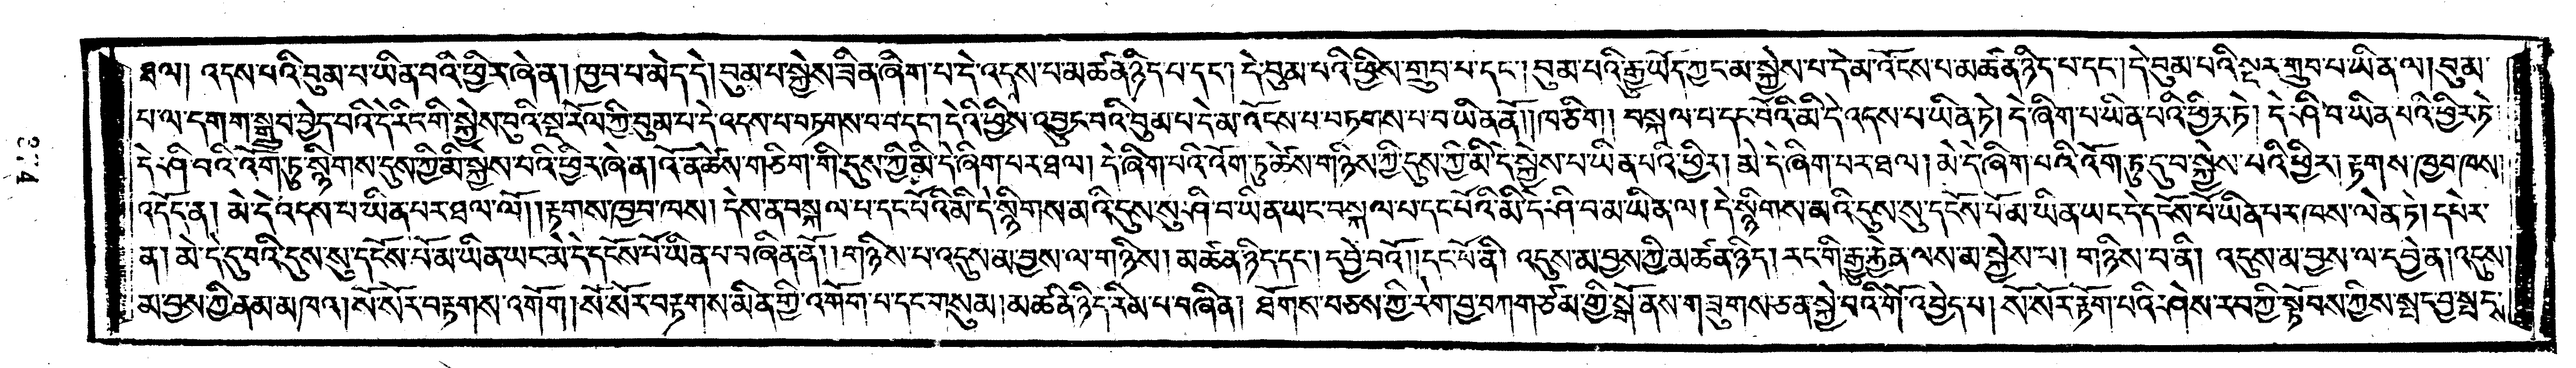ཐལ། འདས་པའི་བུམ་པ་ཡིན་པའི་ཕྱིར་ཞེ་ན། ཁྱབ་པ་མེད་དེ། བུམ་པ་སྐྱེས་ཟིན་ཞིག་པ་དེ་འདས་པ་མཚན་ཉིད་པ་དང་། དེ་བུམ་པའི་ཕྱིས་གྲུབ་པ་དང་། བུམ་པའི་རྒྱུ་ཡོད་ཀྱང་མ་སྐྱེས་པ་དེ་མ་འོངས་པ་མཚན་ཉིད་པ་དང་། དེ་བུམ་པའི་སྔར་གྲུབ་པ་ཡིན་ལ། བུམ་
པ་ལ་དགག་སྒྲུབ་བྱེད་པའི་དེ་རིང་གི་སྐྱེས་བུའི་སྔ་རོལ་གྱི་བུམ་པ་དེ་འདས་པ་བཏགས་པ་བ་དང་། དེའི་ཕྱིས་འབྱུང་བའི་བུམ་པ་དེ་མ་འོངས་པ་བཏགས་པ་བ་ཡིན་ནོ། །ཁ་ཅིག ། བསྐལ་པ་དང་པོའི་མི་དེ་འདས་པ་ཡིན་ཏེ། དེ་ཞིག་པ་ཡིན་པའི་ཕྱིར་ཏེ། དེ་ཤི་བ་ཡིན་པའི་ཕྱིར་ཏེ།
དེ་ཤི་བའི་འོག་ཏུ་སྙིགས་དུས་ཀྱི་མི་སྐྱེས་པའི་ཕྱིར་ཞེ་ན། འོ་ན་ཚེས་གཅིག་གི་དུས་ཀྱི་མི་དེ་ཞིག་པར་ཐལ། དེ་ཞིག་པའི་འོག་ཏུ་ཚེས་གཉིས་ཀྱི་དུས་ཀྱི་མི་དེ་སྐྱེས་པ་ཡིན་པའི་ཕྱིར། མེ་དེ་ཞིག་པར་ཐལ། མེ་དེ་ཞིག་པའི་འོག་ཏུ་དུ་བ་སྐྱེས་པའི་ཕྱིར། རྟགས་ཁྱབ་ཁས་
འདོད་ན། མེ་དེ་འདས་པ་ཡིན་པར་ཐལ་ལོ། །རྟགས་ཁྱབ་ཁས། དེས་ན་བསྐལ་པ་དང་པོའི་མི་དེ་སྙིགས་མའི་དུས་སུ་ཤི་བ་ཡིན་ཡང་བསྐལ་པ་དང་པོའི་མི་དེ་ཤི་བ་མ་ཡིན་ལ། དེ་སྙིགས་མའི་དུས་སུ་དངོས་པོ་མ་ཡིན་ཡང་དེ་དངོས་པོ་ཡིན་པར་ཁས་ལེན་ཏེ། དཔེར་
ན༑ མེ་དེ་དུ་བའི་དུས་སུ་དངོས་པོ་མ་ཡིན་ཡང་མེ་དེ་དངོས་པོ་ཡིན་པ་བཞིན་ནོ། །གཉིས་པ་འདུས་མ་བྱས་ལ་གཉིས། མཚན་ཉིད་དང་། དབྱེ་བའོ། །དང་པོ་ནི། འདུས་མ་བྱས་ཀྱི་མཚན་ཉིད། རང་གི་རྒྱུ་རྐྱེན་ལས་མ་སྐྱེས་པ། གཉིས་པ་ནི། འདུས་མ་བྱས་ལ་དབྱེ་ན། འདུས་
མ་བྱས་ཀྱི་ནམ་མཁའ། སོ་སོར་བརྟགས་འགོག ། སོ་སོར་བརྟགས་མིན་གྱི་འགོག་པ་དང་གསུམ། མཚན་ཉིད་རིམ་པ་བཞིན། ཐོགས་བཅས་ཀྱི་རེག་བྱ་བཀག་ཙམ་གྱི་སྒོ་ནས་གཟུགས་ཅན་སྐྱེ་བའི་གོ་འབྱེད་པ། སོ་སོར་རྟོག་པའི་ཤེས་རབ་ཀྱི་སྟོབས་ཀྱིས་སྤང་བྱ་སྤངས་